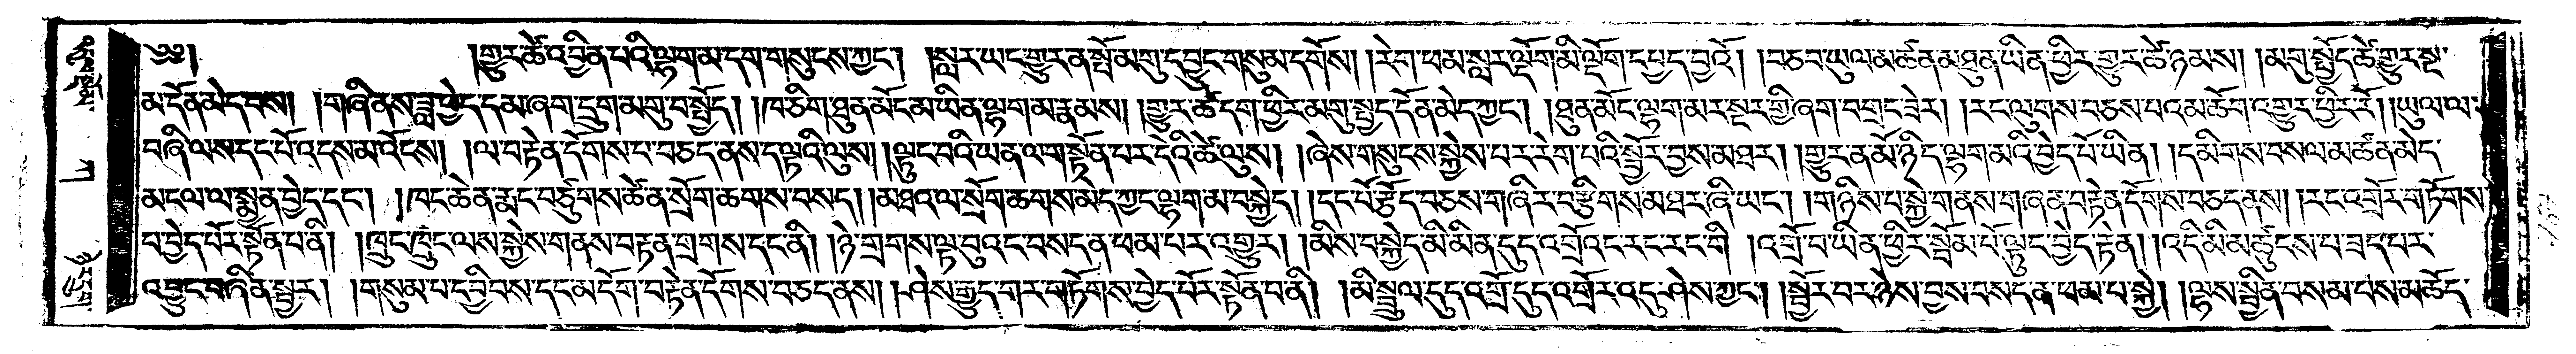༄༅། །གྱུར་ཚེ་འབྱིན་པའི་ལྷག་མ་དག་གསུངས་ཀྱང་། །སླར་ཡང་གྱུར་ན་སྤོ་མགུ་དབྱུང་གསུམ་དགོས། །རེག་ཕམ་སླར་ལྡོག་མི་ལྡོག་དཔྱད་བྱའོ། །བཅབ་ཡུལ་མཚན་མཐུན་ཡིན་ཕྱིར་གྱུར་ཚེ་ཉམས། །མགུ་སྤྱོད་ཚེ་གྱུར་སྔ་
མ་དོན་མེད་པས། །གཞི་ནས་ཟླ་ཕྱེད་དམ་ཞག་དྲུག་མགུ་བ་སྤྱོད། །ཁ་ཅིག་ཐུན་མོང་མ་ཡིན་ལྷག་མ་རྣམས། །གྱུར་ཚེ་དག་ཕྱིར་མགུ་སྤྱད་དོན་མེད་ཀྱང་། །ཐུན་མོང་ལྷག་མར་སྔར་གྱི་ཞག་བགྲང་ཟེར། །རང་ལུགས་བཅས་པའམ་ཆོག་འགྱུར་ཕྱིར་རོ། །ཡུལ་ལ་
བཞི་ལས་དང་པོ་འདས་མ་འོངས། །ལ་བརྟེན་དོགས་པ་བཅད་ནས་ད་ལྟའི་ལུས། །ལྟུང་བའི་ཡན་ལག་སྟོན་པར་དེའི་ཚེ་ལུས། །ཞེས་གསུངས་སྐྱེས་པར་རེག་པའི་སྦྱོར་བྱས་མཐར། །གྱུར་ན་མོ་ཉིད་ལྷག་མའི་བྱེད་པོ་ཡིན། །དམིགས་བསལ་མཚན་མེད་
མངལ་ལ་སྨྱན་བྱེད་དང་། །ཁང་ཆེན་རྨང་བཙུགས་ཚེ་ན་སྲོག་ཆགས་བསད། །མཐའ་ལ་སྲོག་ཆགས་མེད་ཀྱང་ལྷག་མ་བསྐྱེད། །དང་པོ་རྩོད་བཅས་གཞིར་བརྩིགས་མཐར་ཞི་ཡང་། །གཉིས་པ་སྐྱེ་གནས་གཞན་བརྟེན་དོགས་བཅད་ནས། །རང་འགྲོར་གཏོགས་
པ་བྱེད་པོར་སྟོན་པ་ནི། །ཁྲུང་ཁྲུང་ལས་སྐྱེས་གནས་བརྟན་གྲགས་དང་ནི། །ཉེ་གྲགས་ལྟ་བུའང་བསད་ན་ཕམ་པར་འགྱུར། །མིས་བསྐྱེད་མི་མིན་དུད་འགྲོའང་རང་རང་གི །འགྲོ་བ་ཡིན་ཕྱིར་སྦོམ་པོ་ལྟུང་བྱེད་རྟེན། །འདི་མི་མཚུངས་པ་ཟད་པར་
འབྱུང་བཞིན་སྦྱར། །གསུམ་པ་དབྱིབས་དང་མདོག་བརྟེན་དོགས་བཅད་ནས། །ཤེས་རྒྱུད་གར་གཏོགས་བྱེད་པོར་སྟོན་པ་ནི། །མི་སྦྲུལ་དུད་འགྲོ་དུད་འགྲོར་འདུ་ཤེས་ཀྱང་། །སྦྱོར་བར་ཉེས་བྱས་བསད་ན་ཕམ་པ་སྐྱེ། །ལྷས་སྦྱིན་བསམ་པས་མཆོད་